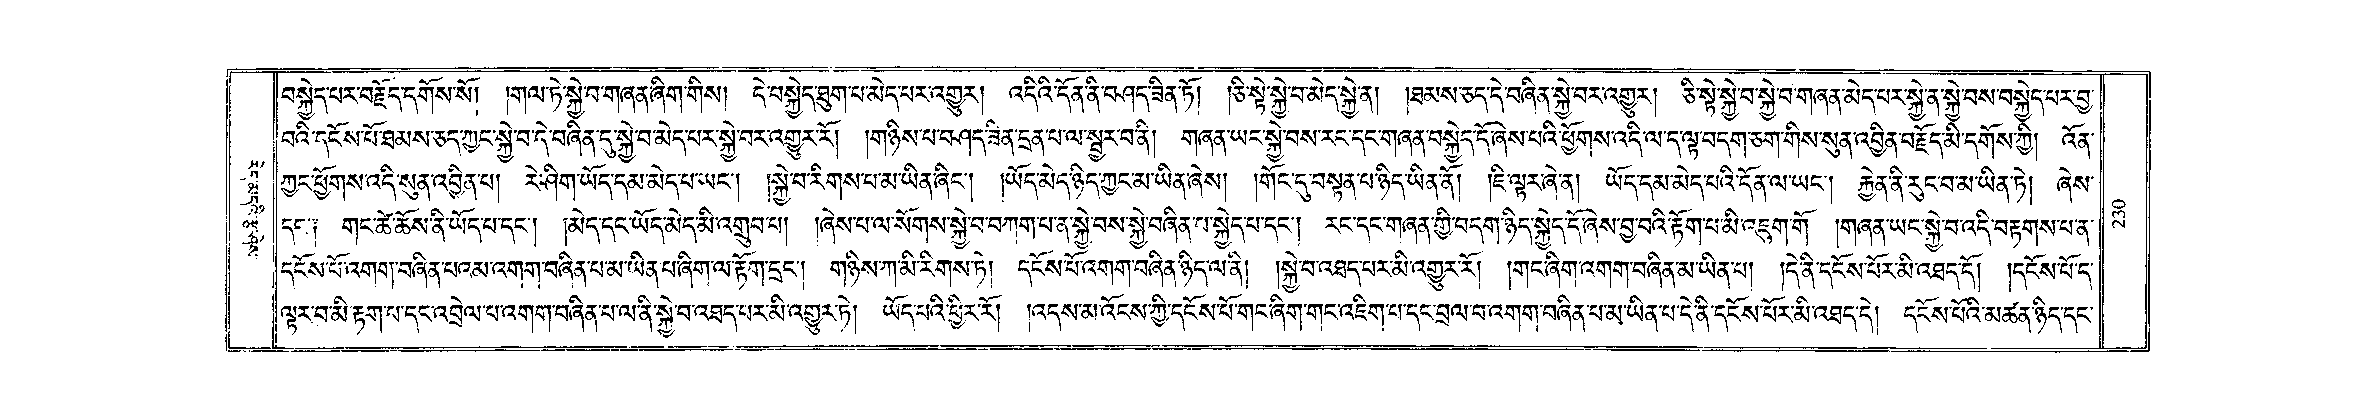བསྐྱེད་པར་བརྗོད་དགོས་སོ། །གལ་ཏེ་སྐྱེ་བ་གཞན་ཞིག་གིས། དེ་བསྐྱེད་ཐུག་པ་མེད་པར་འགྱུར། འདིའི་དོན་ནི་བཤད་ཟིན་ཏོ། །ཅི་སྟེ་སྐྱེ་བ་མེད་སྐྱེ་ན། །ཐམས་ཅད་དེ་བཞིན་སྐྱེ་བར་འགྱུར། ཅི་སྟེ་སྐྱེ་བ་སྐྱེ་བ་གཞན་མེད་པར་སྐྱེ་ན་སྐྱེ་བས་བསྐྱེད་པར་བྱ་
བའི་དངོས་པོ་ཐམས་ཅད་ཀྱང་སྐྱེ་བ་དེ་བཞིན་དུ་སྐྱེ་བ་མེད་པར་སྐྱེ་བར་འགྱུར་རོ། །གཉིས་པ་བཤད་ཟིན་དྲན་པ་ལ་སྦྱར་བ་ནི། གཞན་ཡང་སྐྱེ་བས་རང་དང་གཞན་བསྐྱེད་དོ་ཞེས་པའི་ཕྱོགས་འདི་ལ་ད་ལྟ་བདག་ཅག་གིས་སུན་འབྱིན་བརྗོད་མི་དགོས་ཀྱི། འོན་
ཀྱང་ཕྱོགས་འདི་སུན་འབྱིན་པ། རེ་ཤིག་ཡོད་དམ་མེད་པ་ཡང་། །སྐྱེ་བ་རིགས་པ་མ་ཡིན་ཞིང་། །ཡོད་མེད་ཉིད་ཀྱང་མ་ཡིན་ཞེས། །གོང་དུ་བསྟན་པ་ཉིད་ཡིན་ནོ། །ཇི་ལྟར་ཞེ་ན། ཡོད་དམ་མེད་པའི་དོན་ལ་ཡང་། རྐྱེན་ནི་རུང་བ་མ་ཡིན་ཏེ། ཞེས་
དང༑ གང་ཚེ་ཆོས་ནི་ཡོད་པ་དང་། །མེད་དང་ཡོད་མེད་མི་འགྲུབ་པ། །ཞེས་པ་ལ་སོགས་སྐྱེ་བ་བཀག་པ་ན་སྐྱེ་བས་སྐྱེ་བཞིན་པ་སྐྱེད་པ་དང་། རང་དང་གཞན་གྱི་བདག་ཉིད་སྐྱེད་དོ་ཞེས་བྱ་བའི་རྟོག་པ་མི་འཇུག་གོ །གཞན་ཡང་སྐྱེ་བ་འདི་བརྟགས་པ་ན་
དངོས་པོ་འགག་བཞིན་པའམ་འགག་བཞིན་པ་མ་ཡིན་པ་ཞིག་ལ་རྟོག་དྲང་། གཉིས་ཀ་མི་རིགས་ཏེ། དངོས་པོ་འགག་བཞིན་ཉིད་ལ་ནི། །སྐྱེ་བ་འཐད་པར་མི་འགྱུར་རོ། །གང་ཞིག་འགག་བཞིན་མ་ཡིན་པ། །དེ་ནི་དངོས་པོར་མི་འཐད་དོ། །དངོས་པོ་ད་
ལྟར་བ་མི་རྟག་པ་དང་འབྲེལ་པ་འགག་བཞིན་པ་ལ་ནི་སྐྱེ་བ་འཐད་པར་མི་འགྱུར་ཏེ། ཡོད་པའི་ཕྱིར་རོ། །འདས་མ་འོངས་ཀྱི་དངོས་པོ་གང་ཞིག་གང་འཇིག་པ་དང་བྲལ་བ་འགག་བཞིན་པ་མ་ཡིན་པ་དེ་ནི་དངོས་པོར་མི་འཐད་དེ། དངོས་པོའི་མཚན་ཉིད་དང་